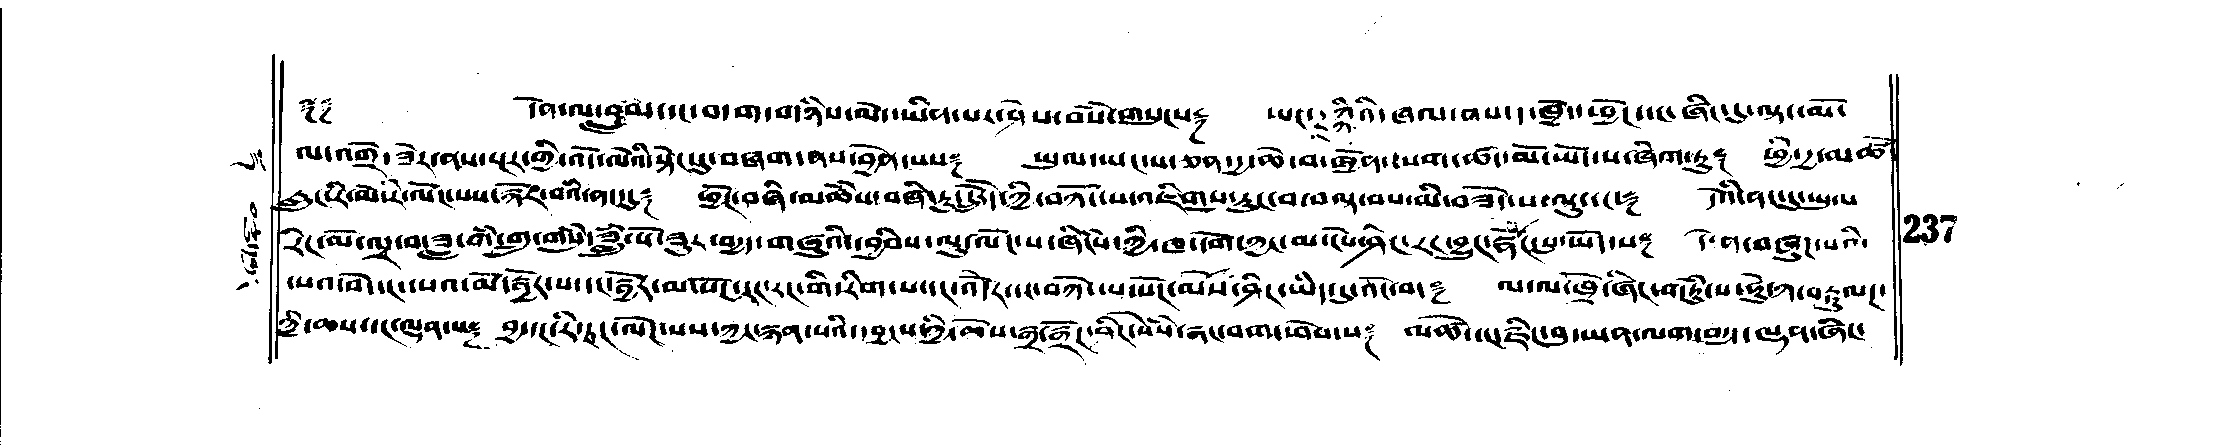དོན་ལ་བླ་མ་དང་བདག་གཉིས་མེད་ཡིན་པ་ཤེས་བསམ་གསུངས། ཡང་ཌཱཀྐིའི་ཞལ་ནས་ད་ཁྱོད་ཕྱོགས་དང་ཞིང་དུ་ལྟད་མོ་
ལ་འགྲོ་ཟེར་ནས་སྔར་གྱི་འོད་ལིའི་སྟེང་དུ་བཞག་ནས་བྱོན་པས། ཡུལ་ཡངས་པ་ཅན་རྒྱ་ཆེ་བ་ཁྱོན་དཔག་ཚད་མང་པོ་ཡོད་པ་ཞིག་ཏུ། ཕྱི་རྒྱ་མཚོ་
རླུང་རི་མེ་རི་ལོང་པས་སྐོར་བའི་ནང་དུ། ཕྱོགས་བཞི་མཚམས་བཞི་རུ་དུར་ཁྲོད་ཀྱི་བཀོད་པ་འཇིགས་སུ་རུང་བ་བལྟ་བས་མི་བཟོད་པ་ལྟ་བུ་དང་། དེའི་ནང་དུ་ཡུལ་
རིང་མོ་འདྲ་བ་ཟླ་གམ་གྲུ་གསུམ་ཟླུམ་པོ་ཟུར་བརྒྱད་གཞུའི་དབྱིབས་ལྟ་བུ་ལོང་པ་ཞིང་ཁམས་ཀྱི་ཁ་དོག་ཀྱང་མ་ངེས་ཤིང་རང་བྱུང་སྣ་ཚོགས་སུ་ཡོད་པ། དེ་ན་བཞུགས་པའི་
དཔའ་བོ་དང་དཔའ་མོ་རྣལ་འབྱོར་པ་དང་རྣལ་འབྱོར་མ་སོགས་རང་རང་གིས་རིག་པ་དང་འོད་ཟེར་དང་བཀོད་པ་སོགས་མཛེས་ཤིང་ཡིད་དུ་འོང་བ། ལ་ལ་ཁྲོ་ཞིང་གཏུམ་པ་ཧེ་རུ་ཀ་བརྟུལ་ཞུགས་
ཀྱི་ཆས་དང་ལྡན་པ། བྱ་དང་རི་དྭགས་ལ་སོགས་པས་ཀྱང་སྙན་པའི་དབྱངས་ཀྱི་ཆོས་སྒྲ་སྒྲོགས་ཤིང་སེམས་སྣང་བག་ཕེབས་པ། མཚོ་དང་རྫིང་བུ་ཡན་ལག་བརྒྱད་ལྡན་ཞིང་།